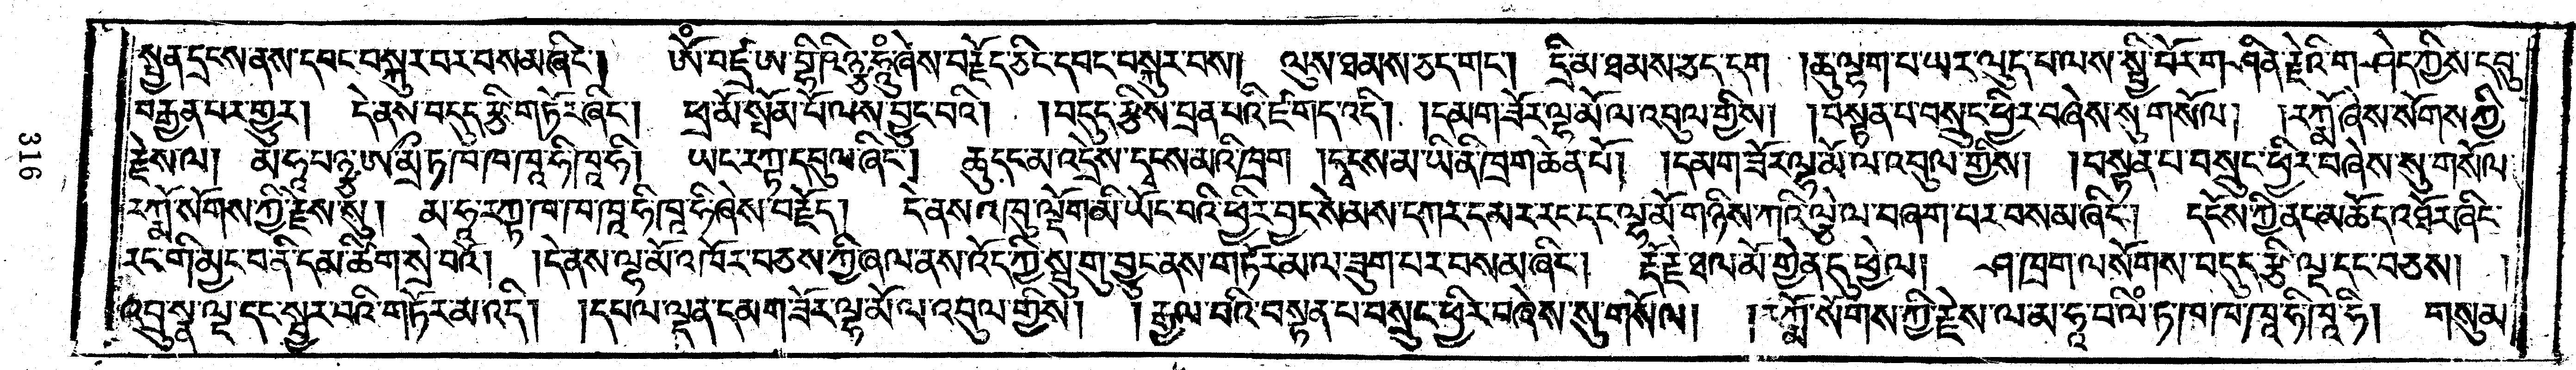སྤྱན་དྲངས་ནས་དབང་བསྐུར་བར་བསམ་ཞིང་། ཨོཾ་བཛྲ་ཨ་བྷི་ཥིཉྩ་ཧཱུཾ་ཞེས་བརྗོད་ཅིང་དབང་བསྐུར་བས། ལུས་ཐམས་ཅད་གང་། དྲི་མ་ཐམས་ཅད་དག །ཆུ་ལྷག་པ་ཡར་ལུང་པ་ལས་སྤྱི་བོར་གཤིན་རྗེའི་གཤེད་ཀྱིས་དབུ་
བརྒྱན་པར་གྱུར། དེ་ནས་བདུད་རྩི་གཏོར་ཞིང་། ཕྲ་མོ་སྤོམ་པོ་ལས་བྱུང་བའི། །བདུད་རྩིས་བྲན་པའི་ཛ་གད་འདི། །དམག་ཟོར་ལྷ་མོ་ལ་འབུལ་གྱིས། །བསྟན་པ་བསྲུང་ཕྱིར་བཞེས་སུ་གསོལ། །རྐྨོ་ཞེས་སོགས་ཀྱི་
རྗེས་ལ། མཧཱ་པྙྩ་ཨ་མྲྀ་ཏ་ཁ་ཁ་ཁཱ་ཧི་ཁཱ་ཧི། ཡང་རྐྟ་དབུལ་ཞིང་། ཆུ་དང་མ་འདྲེས་དྭངས་མའི་ཁྲག །དྭངས་མ་ཡི་ནི་ཁྲག་ཆེན་པོ། །དམག་ཟོར་ལྷ་མོ་ལ་འབུལ་གྱིས། །བསྟན་པ་བསྲུང་ཕྱིར་བཞེས་སུ་གསོལ་
རྐྨོ་སོགས་ཀྱི་རྗེས་སུ། མ་ཧཱ་རྐྟ་ཁ་ཁ་ཁཱ་ཧི་ཁཱ་ཧི་ཞེས་བརྗོད། དེ་ནས་འཁུ་ལྡོག་མི་ཡོང་བའི་ཕྱིར་བྱང་སེམས་དཀར་དམར་རང་དང་ལྷ་མོ་གཉིས་ཀའི་ལྕེ་ལ་བཞག་པར་བསམ་ཞིང་། དངོས་ཀྱི་ནང་མཆོད་འཐོར་ཞིང་
རང་གི་མྱང་བ་ནི་དམ་ཚིག་སྲེ་བའོ། །དེ་ནས་ལྷ་མོ་འཁོར་བཅས་ཀྱི་ཞལ་ནས་འོད་ཀྱི་སྦུ་གུ་བྱུང་ནས་གཏོར་མ་ལ་ཟུག་པར་བསམ་ཞིང་། རྡོ་རྗེ་ཐལ་མོ་གྱེན་དུ་ཕྱེ་ལ། ཤ་ཁྲག་ལ་སོགས་བདུད་རྩི་ལྔ་དང་བཅས། །
འབྲུ་སྣ་ལྔ་དང་སྦྱར་བའི་གཏོར་མ་འདི། །དཔལ་ལྡན་དམག་ཟོར་ལྷ་མོ་ལ་འབུལ་གྱིས། །རྒྱལ་བའི་བསྟན་པ་བསྲུང་ཕྱིར་བཞེས་སུ་གསོལ། །རྐྨོ་སོགས་ཀྱི་རྗེས་ལ་མ་ཧཱ་བ་ལིཾ་ཏ་ཁ་ཁ་ཁཱ་ཧི་ཁཱ་ཧི། གསུམ་